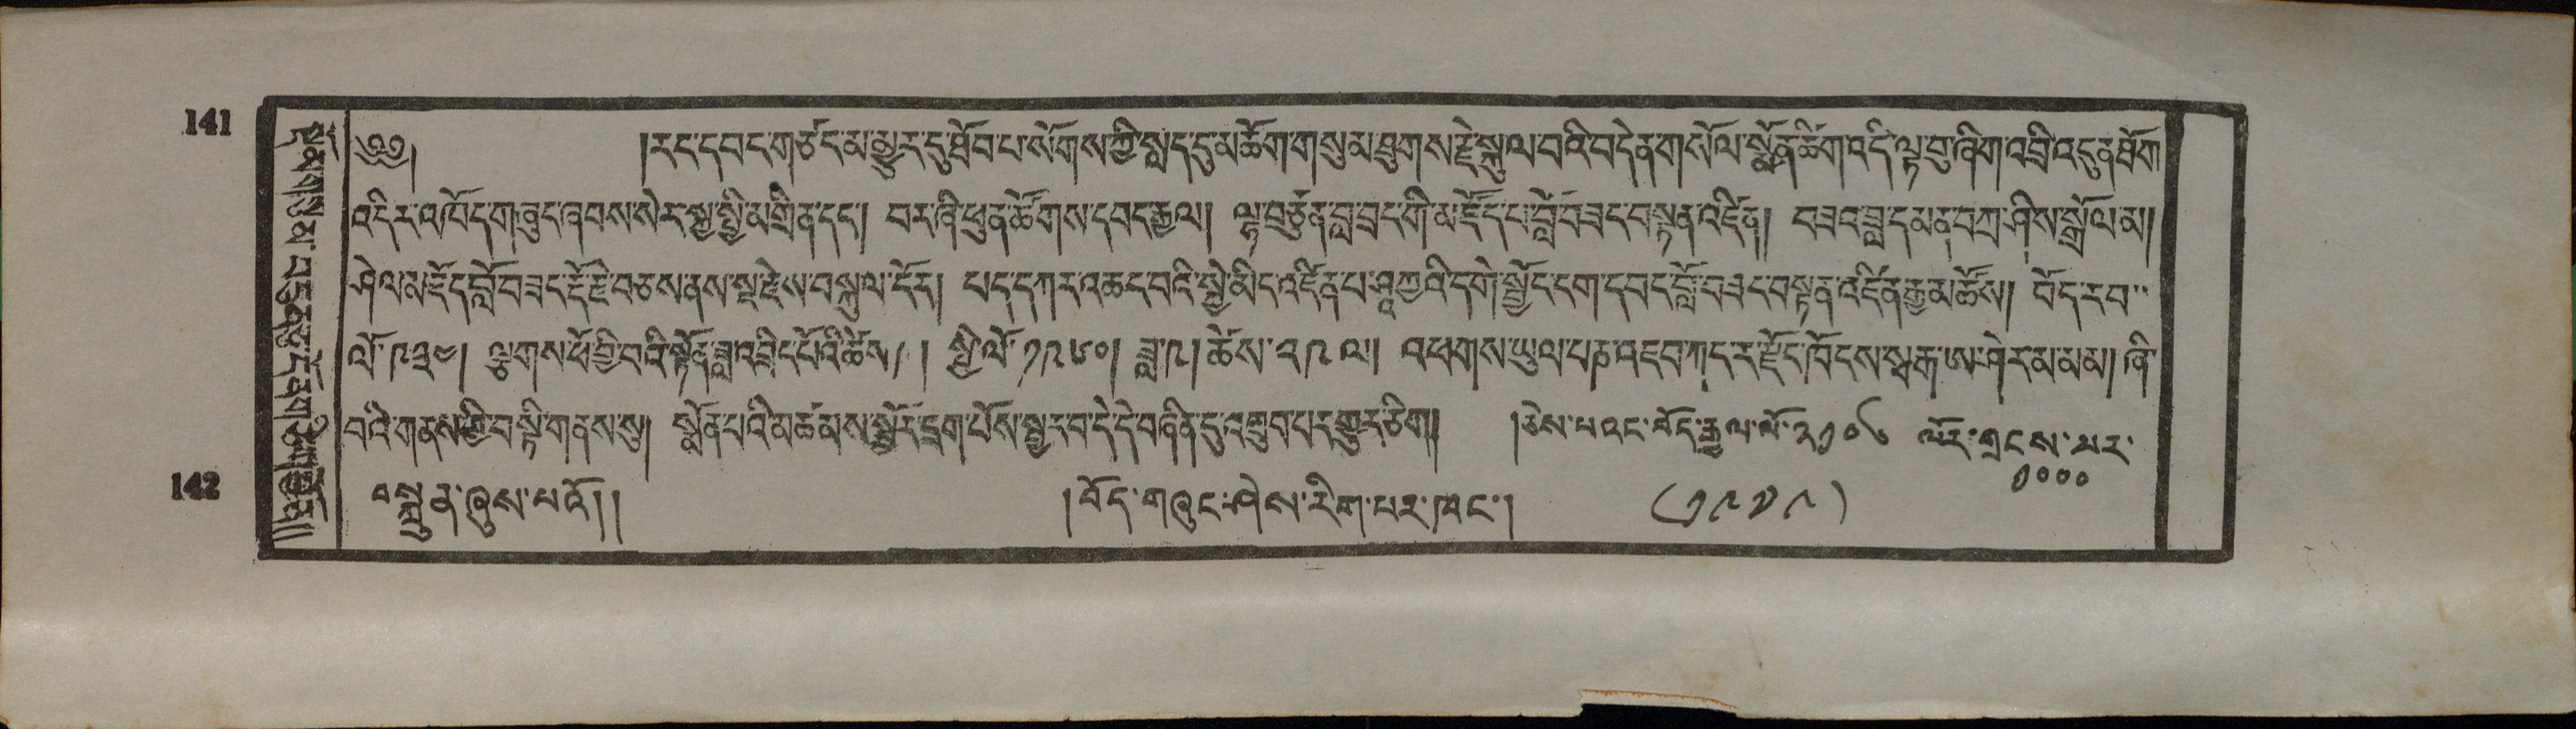༄༅། །རང་དབང་གཙང་མ་མྱུར་དུ་ཐོབ་པ་སོགས་ཀྱི་སླད་དུ་མཆོག་གསུམ་ཐུགས་རྗེ་སྐུལ་བའི་བདེན་གསོལ་སྨོན་ཚིག་འདི་ལྟ་བུ་ཞིག་འབྲི་འདུན་ཐོག་
འདིར་འཁོད་གཞུང་ཞབས་སེར་སྐྱ་སྤྱི་མགྲིན་དང་། བར་ཞི་ཕུན་ཚོགས་དབང་རྒྱལ། ལྷ་བཙུན་བླ་བྲང་གི་མཛོད་པ་བློ་བཟང་བསྟན་འཛིན། བཟའ་ཟླ་དམན་བཀྲ་ཤིས་སྒྲོལ་མ།
ཤེལ་མཛོད་བློ་བཟང་རྡོ་རྗེ་བཅས་ནས་སྔ་རྗེས་བསྐུལ་ངོར། པད་དཀར་འཆང་བའི་སྐྱེ་མིང་འཛིན་པ་ཤྰྐྱའི་དགེ་སྦྱོང་ངག་དབང་བློ་བཟང་བསྟན་འཛིན་རྒྱ་མཚོས། བོད་རབ་
ལོ ༩༣༤། ལྕགས་ཕོ་བྱི་བའི་སྟོན་ཟླ་འབྲིང་པོའི་ཚེས། །སྤྱི་ལོ ༡༩༧༠། ཟླ ༩། ཚེས ༢༩་ལ། འཕགས་ཡུལ་པཎ་འཇབ་ཀང་ར་རྫོང་ཁོངས་སྤརྒ་ཨ་ཤེར་མ་མམ། ཞི་
བའི་གནས་ཀྱི་བསྟི་གནས་སུ། སྨོན་པའི་མཚམས་སྦྱོར་དྲག་པོས་སྦྱར་བ་དེ་དེ་བཞིན་དུ་འགྲུབ་པར་གྱུར་ཅིག ། འདིའི་ཁ་སྐོང་ནི། ཚིགས་བཅད་མ་ཚང་བ་དང་། མ་དཔེ་ལ་མ་དག་པ་འགའ་ཞིག ། སེར་སྨད་མཁན་ཟུར་རིན་པོ་ཆེ་མཆོག་རྒྱལ་རོང་དགེ་བཤེས་བློ་བཟང་མཐར་ཕྱིན་གྱིས་གསོ་སྦྱོང་དབུས་པའི་ཚེ་ཐུན་མོང་མ་ཡིན་པའི་ཚིགས་བཅད་འགའ་ཞིག་དང་བཅས་པ། ཨ་རི་དགེ་བཤེས་བློ་བཟང་ཆོས་འཛིན་གྱིས་སྤྱི་ལོ ༡༩༩༨་ཟླ ༡་ཚེས ༢༧་ལ་བྲིས་པ་ཡིན།།